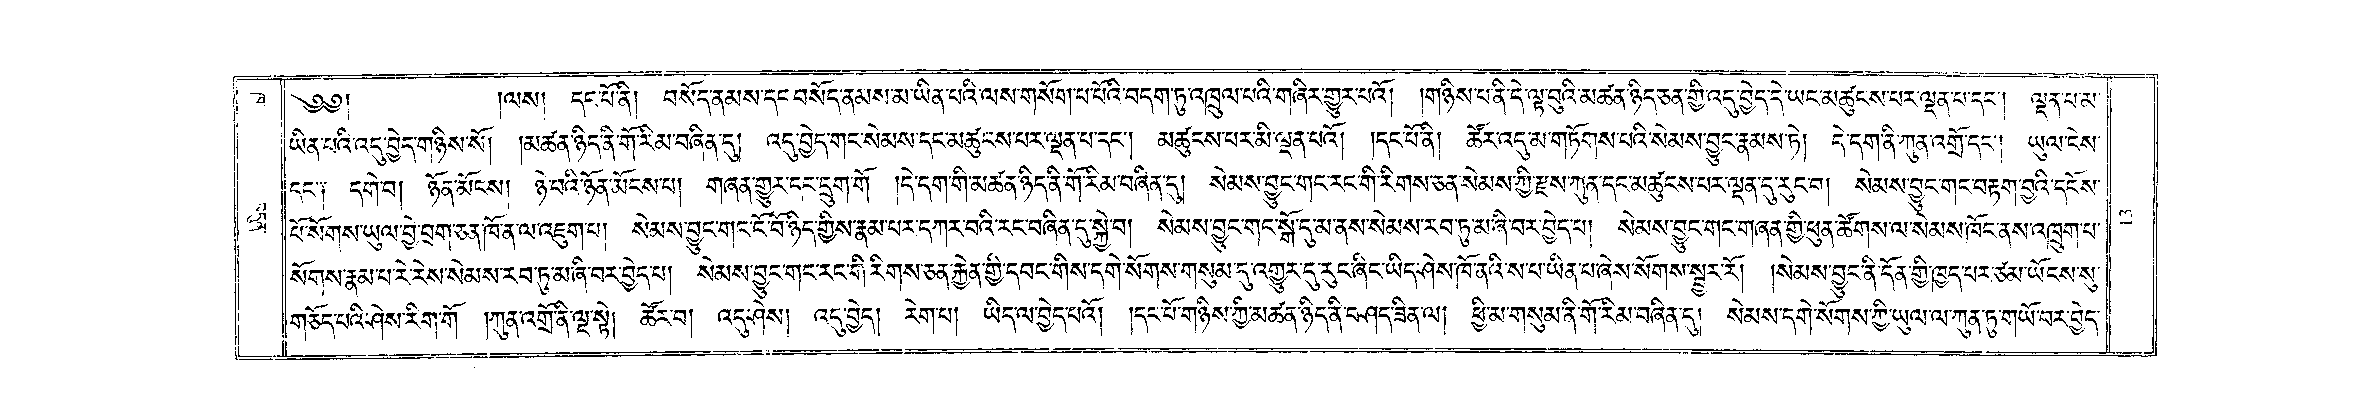༄༅། །ལས། དང་པོ་ནི། བསོད་ནམས་དང་བསོད་ནམས་མ་ཡིན་པའི་ལས་གསོག་པ་པོའི་བདག་ཏུ་འཁྲུལ་པའི་གཞིར་གྱུར་པའོ། །གཉིས་པ་ནི་དེ་ལྟ་བུའི་མཚན་ཉིད་ཅན་གྱི་འདུ་བྱེད་དེ་ཡང་མཚུངས་པར་ལྡན་པ་དང་། ལྡན་པ་མ་
ཡིན་པའི་འདུ་བྱེད་གཉིས་སོ། །མཚན་ཉིད་ནི་གོ་རིམ་བཞིན་དུ། འདུ་བྱེད་གང་སེམས་དང་མཚུངས་པར་ལྡན་པ་དང་། མཚུངས་པར་མི་ལྡན་པའོ། །དང་པོ་ནི། ཚོར་འདུ་མ་གཏོགས་པའི་སེམས་བྱུང་རྣམས་ཏེ། དེ་དག་ནི་ཀུན་འགྲོ་དང་། ཡུལ་ངེས་
དང༑ དགེ་བ། ཉོན་མོངས། ཉེ་བའི་ཉོན་མོངས་པ། གཞན་གྱུར་དང་དྲུག་གོ །དེ་དག་གི་མཚན་ཉིད་ནི་གོ་རིམ་བཞིན་དུ། སེམས་བྱུང་གང་རང་གི་རིགས་ཅན་སེམས་ཀྱི་རྫས་ཀུན་དང་མཚུངས་པར་ལྡན་དུ་རུང་བ། སེམས་བྱུང་གང་བརྟག་བྱའི་དངོས་
པོ་སོགས་ཡུལ་བྱེ་བྲག་ཅན་ཁོ་ན་ལ་འཇུག་པ། སེམས་བྱུང་གང་ངོ་བོ་ཉིད་གྱིས་རྣམ་པར་དཀར་བའི་རང་བཞིན་དུ་སྐྱེ་བ། སེམས་བྱུང་གང་སྒོ་དུ་མ་ནས་སེམས་རབ་ཏུ་མ་ཞི་བར་བྱེད་པ། སེམས་བྱུང་གང་གཞན་གྱི་ཕུན་ཚོགས་ལ་སེམས་ཁོང་ནས་འཁྲུག་པ་
སོགས་རྣམ་པ་རེ་རེས་སེམས་རབ་ཏུ་མ་ཞི་བར་བྱེད་པ། སེམས་བྱུང་གང་རང་གི་རིགས་ཅན་རྐྱེན་གྱི་དབང་གིས་དགེ་སོགས་གསུམ་དུ་འགྱུར་དུ་རུང་ཞིང་ཡིད་ཤེས་ཁོ་ནའི་ས་པ་ཡིན་པ་ཞེས་སོགས་སྦྱར་རོ། །སེམས་བྱུང་ནི་དོན་གྱི་ཁྱད་པར་ཙམ་ཡོངས་སུ་
གཅོད་པའི་ཤེས་རིག་གོ །ཀུན་འགྲོ་ནི་ལྔ་སྟེ། ཚོར་བ། འདུ་ཤེས། འདུ་བྱེད། རེག་པ། ཡིད་ལ་བྱེད་པའོ། །དང་པོ་གཉིས་ཀྱི་མཚན་ཉིད་ནི་བཤད་ཟིན་ལ། ཕྱི་མ་གསུམ་ནི་གོ་རིམ་བཞིན་དུ། སེམས་དགེ་སོགས་ཀྱི་ཡུལ་ལ་ཀུན་ཏུ་གཡོ་བར་བྱེད་